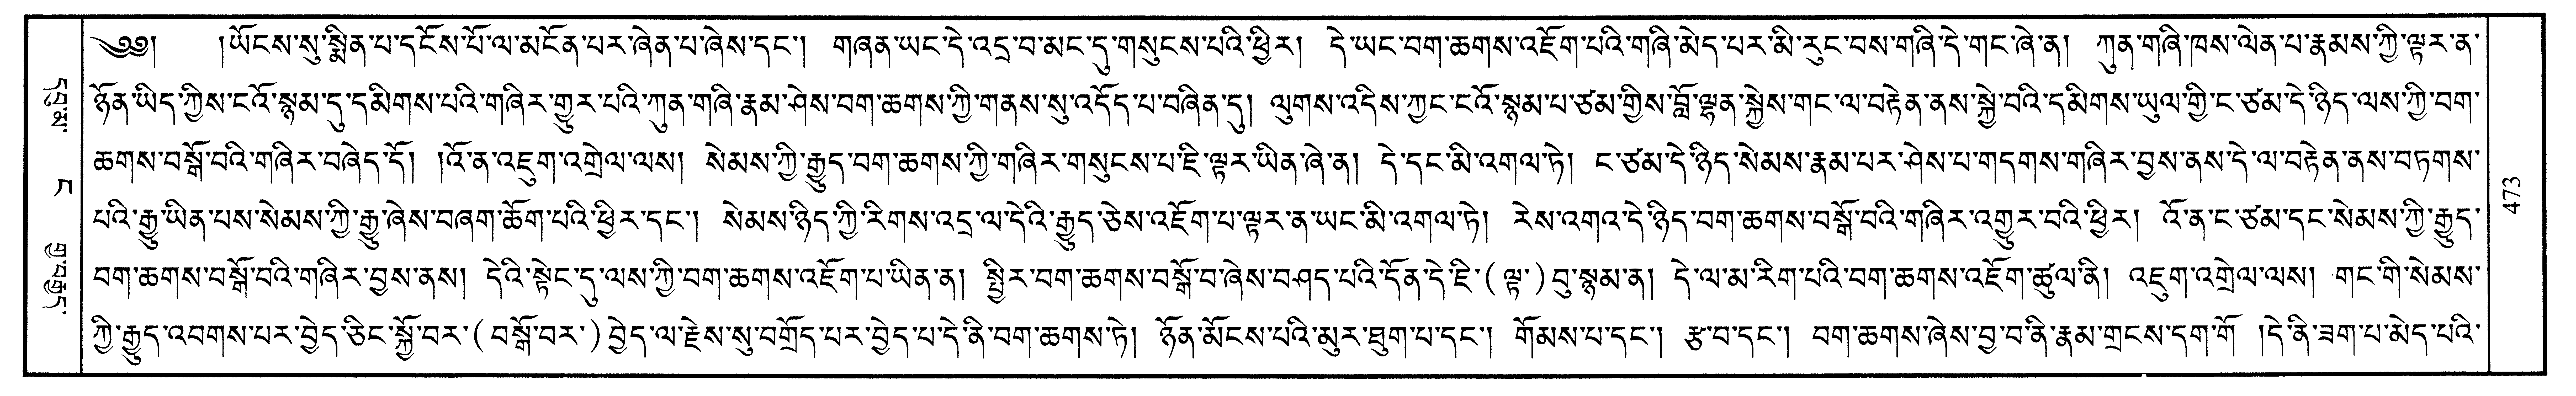༄༅། །ཡོངས་སུ་སྨིན་པ་དངོས་པོ་ལ་མངོན་པར་ཞེན་པ་ཞེས་དང་། གཞན་ཡང་དེ་འདྲ་བ་མང་དུ་གསུངས་པའི་ཕྱིར། དེ་ཡང་བག་ཆགས་འཇོག་པའི་གཞི་མེད་པར་མི་རུང་བས་གཞི་དེ་གང་ཞེ་ན། ཀུན་གཞི་ཁས་ལེན་པ་རྣམས་ཀྱི་ལྟར་ན་
ཉོན་ཡིད་ཀྱིས་ངའོ་སྙམ་དུ་དམིགས་པའི་གཞིར་གྱུར་པའི་ཀུན་གཞི་རྣམ་ཤེས་བག་ཆགས་ཀྱི་གནས་སུ་འདོད་པ་བཞིན་དུ། ལུགས་འདིས་ཀྱང་ངའོ་སྙམ་པ་ཙམ་གྱིས་བློ་ལྷན་སྐྱེས་གང་ལ་བརྟེན་ནས་སྐྱེ་བའི་དམིགས་ཡུལ་གྱི་ང་ཙམ་དེ་ཉིད་ལས་ཀྱི་བག་
ཆགས་བསྒོ་བའི་གཞིར་བཞེད་དོ། །འོ་ན་འཇུག་འགྲེལ་ལས། སེམས་ཀྱི་རྒྱུད་བག་ཆགས་ཀྱི་གཞིར་གསུངས་པ་ཇི་ལྟར་ཡིན་ཞེ་ན། དེ་དང་མི་འགལ་ཏེ། ང་ཙམ་དེ་ཉིད་སེམས་རྣམ་པར་ཤེས་པ་གདགས་གཞིར་བྱས་ནས་དེ་ལ་བརྟེན་ནས་བཏགས་
པའི་རྒྱུ་ཡིན་པས་སེམས་ཀྱི་རྒྱུ་ཞེས་བཞག་ཆོག་པའི་ཕྱིར་དང་། སེམས་ཉིད་ཀྱི་རིགས་འདྲ་ལ་དེའི་རྒྱུད་ཅེས་འཇོག་པ་ལྟར་ན་ཡང་མི་འགལ་ཏེ། རེས་འགའ་དེ་ཉིད་བག་ཆགས་བསྒོ་བའི་གཞིར་འགྱུར་བའི་ཕྱིར། འོ་ན་ང་ཙམ་དང་སེམས་ཀྱི་རྒྱུད་
བག་ཆགས་བསྒོ་བའི་གཞིར་བྱས་ནས། དེའི་སྟེང་དུ་ལས་ཀྱི་བག་ཆགས་འཇོག་པ་ཡིན་ན། སྤྱིར་བག་ཆགས་བསྒོ་བ་ཞེས་བཤད་པའི་དོན་དེ་ཇི་ལྟ་བུ་སྙམ་ན། དེ་ལ་མ་རིག་པའི་བག་ཆགས་འཇོག་ཚུལ་ནི། འཇུག་འགྲེལ་ལས། གང་གི་སེམས་
ཀྱི་རྒྱུད་འབགས་པར་བྱེད་ཅིང་སྐྱོ་བར་བསྒོ་བར་བྱེད་ལ་རྗེས་སུ་བགྲོད་པར་བྱེད་པ་དེ་ནི་བག་ཆགས་ཏེ། ཉོན་མོངས་པའི་མུར་ཐུག་པ་དང་། གོམས་པ་དང་། རྩ་བ་དང་། བག་ཆགས་ཞེས་བྱ་བ་ནི་རྣམ་གྲངས་དག་གོ །དེ་ནི་ཟག་པ་མེད་པའི་